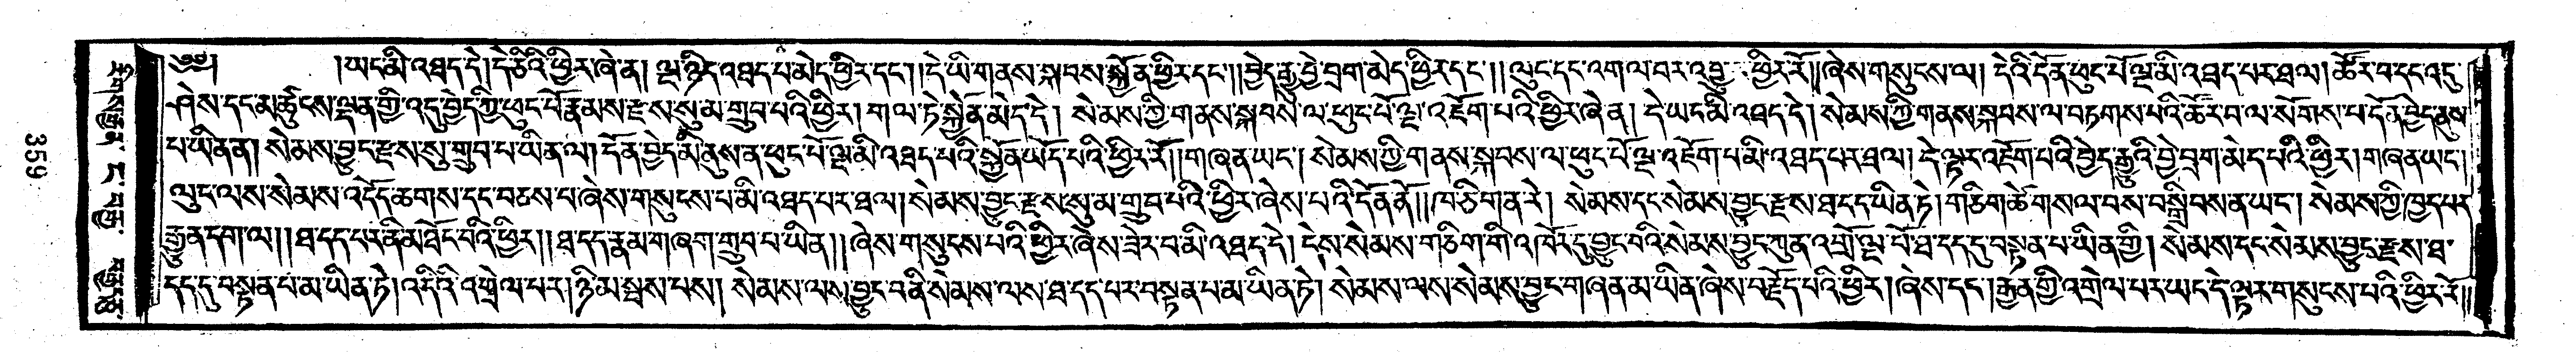༄༅། །ཡང་མི་འཐད་དེ། དེ་ཅིའི་ཕྱིར་ཞེ་ན། ལྔ་ཉིད་འཐད་པ་མེད་ཕྱིར་དང་། །དེ་ཡི་གནས་སྐབས་སྐྱོན་ཕྱིར་དང་། །བྱེད་རྒྱུ་བྱེ་བྲག་མེད་ཕྱིར་དང་། །ལུང་དང་འགལ་བར་འགྱུར་ཕྱིར་རོ། །ཞེས་གསུངས་ལ། དེའི་དོན་ཕུང་པོ་ལྔ་མི་འཐད་པར་ཐལ། ཚོར་བ་དང་འདུ་
ཤེས་དང་མཚུངས་ལྡན་གྱི་འདུ་བྱེད་ཀྱི་ཕུང་པོ་རྣམས་རྫས་སུ་མ་གྲུབ་པའི་ཕྱིར། གལ་ཏེ་སྐྱོན་མེད་དེ། སེམས་ཀྱི་གནས་སྐབས་ལ་ཕུང་པོ་ལྔ་འཇོག་པའི་ཕྱིར་ཞེ་ན། དེ་ཡང་མི་འཐད་དེ། སེམས་ཀྱི་གནས་སྐབས་ལ་བཏགས་པའི་ཚོར་བ་ལ་སོགས་པ་དོན་བྱེད་ནུས་
པ་ཡིན་ན། སེམས་བྱུང་རྫས་སུ་གྲུབ་པ་ཡིན་ལ། དོན་བྱེད་མི་ནུས་ན་ཕུང་པོ་ལྔ་མི་འཐད་པའི་སྐྱོན་ཡོད་པའི་ཕྱིར་རོ། །གཞན་ཡང་། སེམས་ཀྱི་གནས་སྐབས་ལ་ཕུང་པོ་ལྔ་འཇོག་པ་མི་འཐད་པར་ཐལ། དེ་ལྟར་འཇོག་པའི་བྱེད་རྒྱུའི་བྱེ་བྲག་མེད་པའི་ཕྱིར། གཞན་ཡང་།
ལུང་ལས་སེམས་འདོད་ཆགས་དང་བཅས་པ་ཞེས་གསུངས་པ་མི་འཐད་པར་ཐལ། སེམས་བྱུང་རྫས་སུ་མ་གྲུབ་པའི་ཕྱིར་ཞེས་པའི་དོན་ནོ། །ཁ་ཅིག་ན་རེ། སེམས་དང་སེམས་བྱུང་རྫས་ཐ་དད་ཡིན་ཏེ། གཅིག་ཚེ་གསལ་བས་བསྒྲིབས་ན་ཡང་། སེམས་ཀྱི་ཁྱད་པར་
རྒྱུན་དག་ལ། །ཐ་དད་པར་ནི་མཐོང་བའི་ཕྱིར། །ཐ་དད་རྣམ་གཞག་གྲུབ་པ་ཡིན། །ཞེས་གསུངས་པའི་ཕྱིར་ཞེས་ཟེར་བ་མི་འཐད་དེ། དེས་སེམས་གཅིག་གི་འཁོར་དུ་བྱུང་བའི་སེམས་བྱུང་ཀུན་འགྲོ་ལྔ་པོ་ཐ་དད་དུ་བསྟན་པ་ཡིན་གྱི། སེམས་དང་སེམས་བྱུང་རྫས་ཐ་
དད་དུ་བསྟན་པ་མ་ཡིན་ཏེ། འདིའི་འགྲེལ་པར། ཉི་མ་སྦས་པས། སེམས་ལས་བྱུང་བ་ནི་སེམས་ལས་ཐ་དད་པར་བསྟན་པ་མ་ཡིན་ཏེ། སེམས་ལས་སེམས་བྱུང་གཞན་མ་ཡིན་ཞེས་བརྗོད་པའི་ཕྱིར། ཞེས་དང་། རྒྱན་གྱི་འགྲེལ་པར་ཡང་དེ་ལྟར་གསུངས་པའི་ཕྱིར་རོ། །